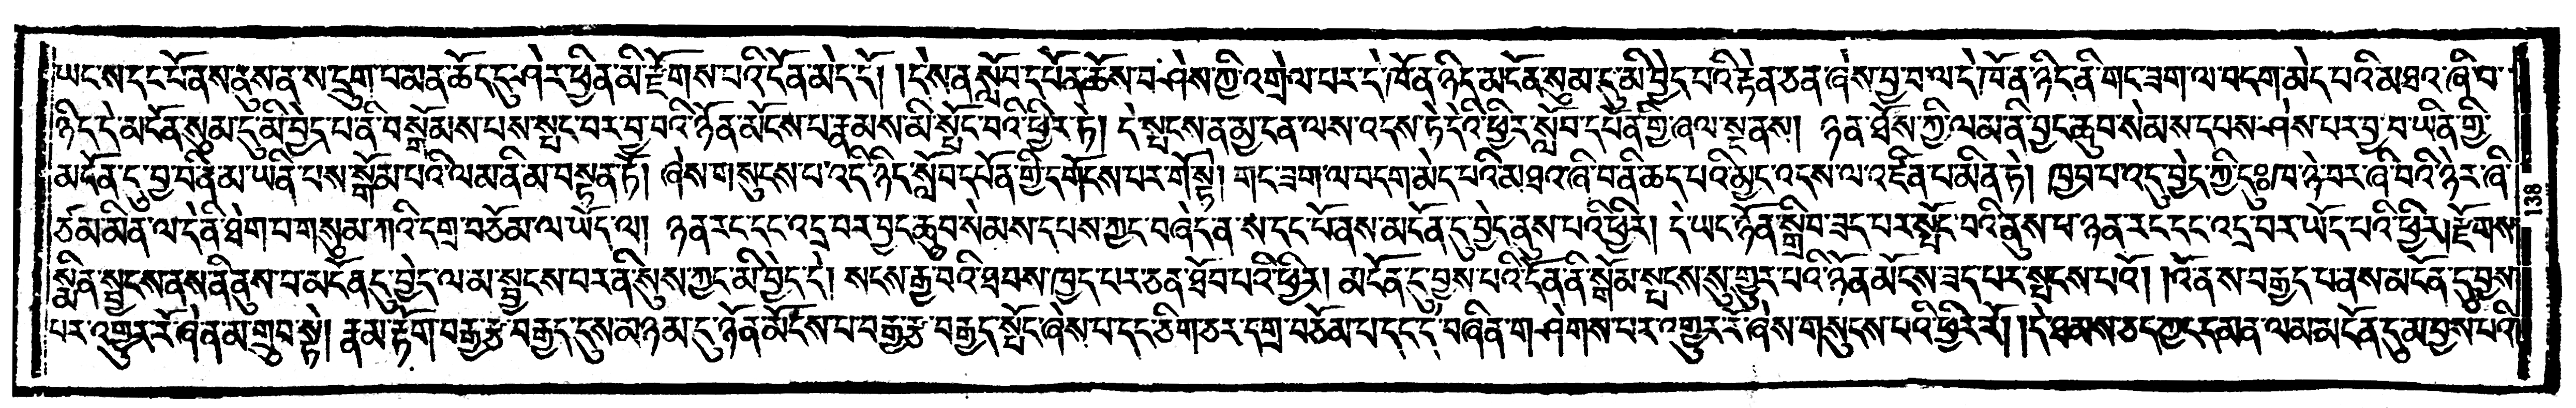ཡང་ས་དང་པོ་ནས་ནུས་ན་ས་དྲུག་པ་མན་ཆོད་དུ་ཤེར་ཕྱིན་མི་རྫོགས་པའི་དོན་མེད་དོ། །དེས་ན་སློབ་དཔོན་ཆོས་བཤེས་ཀྱི་འགྲེལ་པར་དེ་ཁོ་ན་ཉིད་མངོན་སུམ་དུ་མི་བྱེད་པའི་རྟེན་ཅན་ཞེས་བྱ་བ་ལ་དེ་ཁོ་ན་ཉིད་ནི་གང་ཟག་ལ་བདག་མེད་པའི་མཐའ་ཞི་བ་
ཉིད་དེ་མངོན་སུམ་དུ་མི་བྱེད་པ་ནི་བསྒོམས་པས་སྤང་བར་བྱ་བའི་ཉོན་མོངས་པ་རྣམས་མི་སྤོང་བའི་ཕྱིར་ཏེ། དེ་སྤངས་ན་མྱ་ངན་ལས་འདས་ཏེ་དེའི་ཕྱིར་སློབ་དཔོན་གྱི་ཞལ་སྔ་ནས། ཉན་ཐོས་ཀྱི་ལམ་ནི་བྱང་ཆུབ་སེམས་དཔས་ཤེས་པར་བྱ་བ་ཡིན་གྱི་
མངོན་དུ་བྱ་བ་ནི་མ་ཡིན་པས་སྒོམ་པའི་ལམ་ནི་མ་བསྟན་ཏོ། ཞེས་གསུངས་པ་འདི་ཉིད་སློབ་དཔོན་གྱི་དགོངས་པར་གོ་སྟེ། གང་ཟག་ལ་བདག་མེད་པའི་མཐའ་ཞི་བ་ནི་ཆད་པའི་མྱང་འདས་ལ་འཛིན་པ་མིན་ཏེ། ཁྱབ་པ་འདུ་བྱེད་ཀྱི་དུཿ ཁ་ཉེ་བར་ཞི་བའི་ཉེར་ཞི་
ཙམ་མིན་ལ་དེ་ནི་ཐེག་པ་གསུམ་ཀའི་དགྲ་བཅོམ་ལ་ཡོད་ལ། ཉན་རང་དང་འདྲ་བར་བྱང་ཆུབ་སེམས་དཔས་ཀྱང་བཞེད་ན་ས་དང་པོ་ནས་མངོན་དུ་བྱེད་ནུས་པའི་ཕྱིར། དེ་ཡང་ཉོན་སྒྲིབ་ཟད་པར་སྤོང་བའི་ནུས་པ་ཉན་རང་དང་འདྲ་བར་ཡོད་པའི་ཕྱིར། རྫོགས་
སྨིན་སྦྱངས་ནས་ནི་ནུས་པ་མངོན་དུ་བྱེད་ལ་མ་སྦྱངས་པར་ནི་སུས་ཀྱང་མི་བྱེད་དེ། སངས་རྒྱ་བའི་ཐབས་ཁྱད་པར་ཅན་ཐོབ་པའི་ཕྱིར། མངོན་དུ་བྱས་པའི་དོན་ནི་སྒོམ་སྤངས་སུ་གྱུར་པའི་ཉོན་མོངས་ཟད་པར་སྤངས་པའོ། །འོ་ན་ས་བརྒྱད་པ་ནས་མངོན་དུ་བྱས་
པར་འགྱུར་རོ་ཞེ་ན་མ་གྲུབ་སྟེ། རྣམ་རྟོག་བརྒྱ་རྩ་བརྒྱད་དུས་མཉམ་དུ་ཉོན་མོངས་པ་བརྒྱ་རྩ་བརྒྱད་སྤོང་ཞེས་པ་དང་ཅིག་ཅར་དགྲ་བཅོམ་པ་དང་དེ་བཞིན་གཤེགས་པར་འགྱུར་རོ་ཞེས་གསུངས་པའི་ཕྱིར་རོ། །དེ་ཐམས་ཅད་ཀྱང་དམན་ལམ་མངོན་དུ་མ་བྱས་པའི་